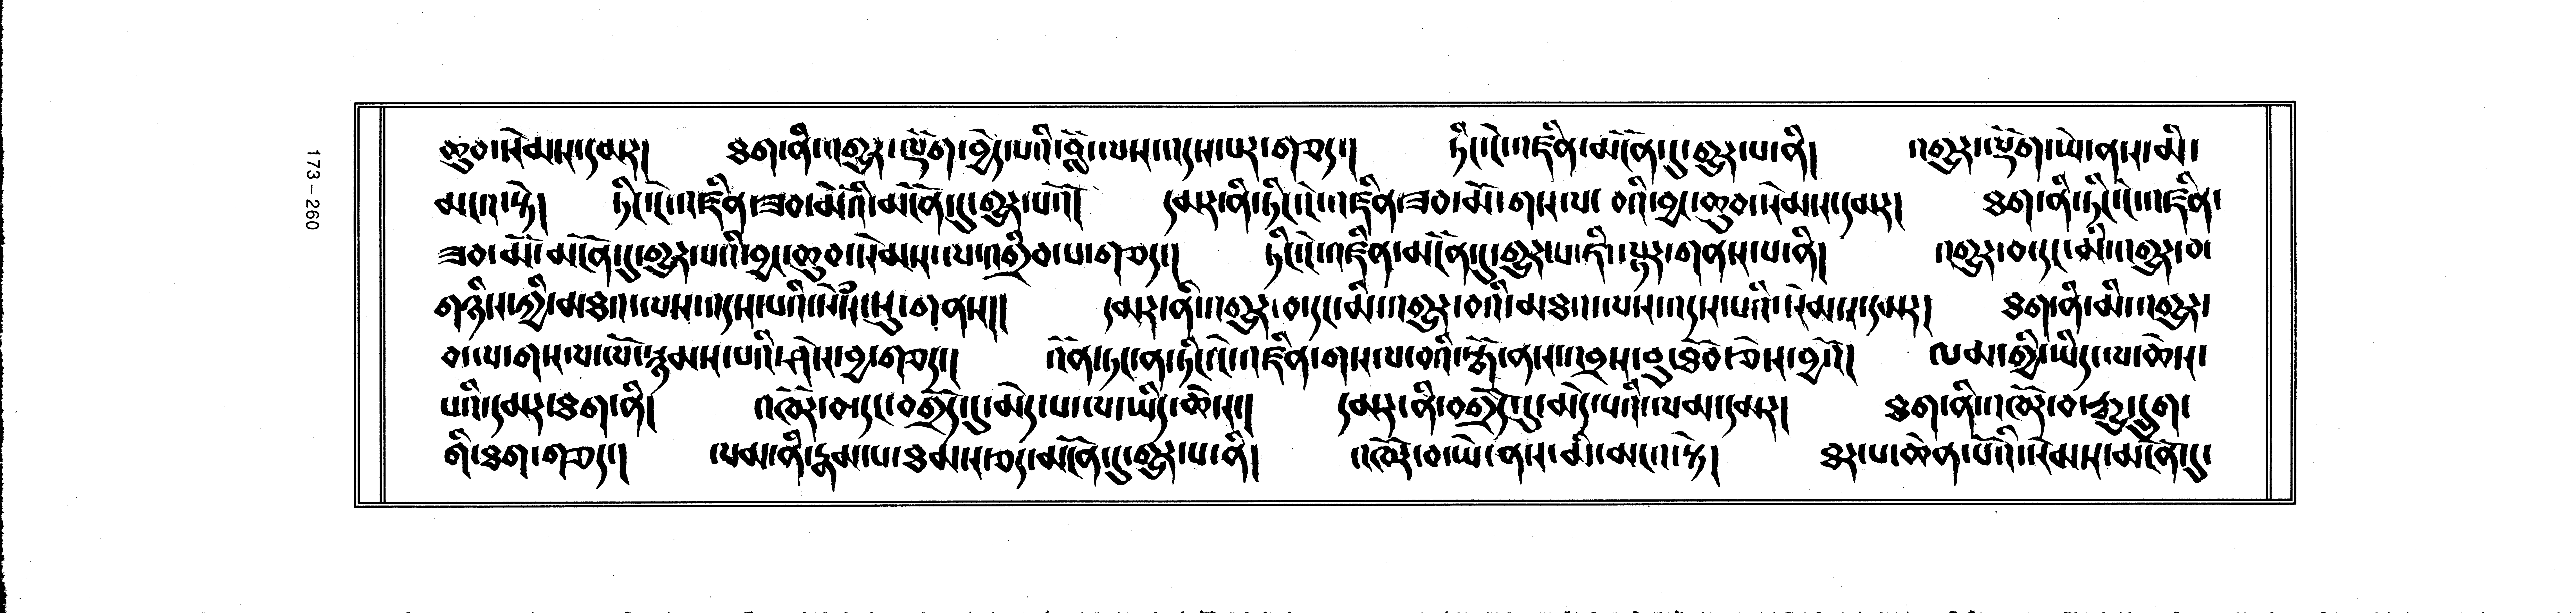ཆུབ་སེམས་དམར། ཐག་ནི་འགྱུར་ལྡོག་བྱེད་པའི་བློ་ལས་འདས་པར་གཅད། ཏིང་ངེ་འཛིན་མངོན་དུ་གྱུར་པ་ནི། འགྱུར་ལྡོག་ཡེ་ནས་མི་
མངའ་སྟེ། ཏིང་ངེ་ཟབ་མོའི་མངོན་དུ་གྱུར་པའོ། །དམར་ནི་ཏིང་ངེ་འཛིན་ཟབ་མོ་གསལ་བའི་བྱང་ཆུབ་སེམས་དམར། ཐག་ནི་ཏིང་ངེ་འཛིན་
ཟབ་མོ་མངོན་དུ་གྱུར་པའི་བྱང་ཆུབ་སེམས་ལ་འགྲིབ་པ་གཅད། ཏིང་ངེ་འཛིན་མངོན་དུ་གྱུར་པ་ཇི་ལྟར་གནས་པ་ནི། འགྱུར་བ་དང་མི་འགྱུར་བ་
གཉིས་ཀྱི་མཐའ་ལས་འདས་པའི་སེམས་སུ་གནས། དམར་ནི་འགྱུར་བ་དང་མི་འགྱུར་བའི་མཐའ་ལས་འདས་པའི་སེམས་དམར། ཐག་ནི་མི་འགྱུར་
བ་ལ་གསལ་ལོ་སྙམ་པའི་ཤེས་བྱ་གཅད། འོན་ཏང་ན་ཏིང་ངེ་འཛིན་གསལ་བའི་སྒོ་ནས་འབྲས་བུ་ཐོབ་ཅེས་བྱའོ། །ལམ་གྱི་ཡིད་ལ་ཆེས་
པའི་དམར་ཐག་ནི། འཁོར་བ་དང་བགྲོད་དུ་མེད་པ་ལ་ཡིད་ཆེས། དམར་ནི་བགྲོད་དུ་མེད་པའི་ལམ་དམར། ཐག་ནི་འཁོར་བ་རྒྱུ་དྲུག་
གི་ཐག་གཅད། ལམ་ནི་རྣམ་པ་ཐམས་ཅད་མངོན་དུ་གྱུར་པ་ནི། འཁོར་བ་ཡེ་ནས་མི་མངའ་སྟེ། ཐར་པ་ཆེན་པོའི་སེམས་མངོན་དུ་